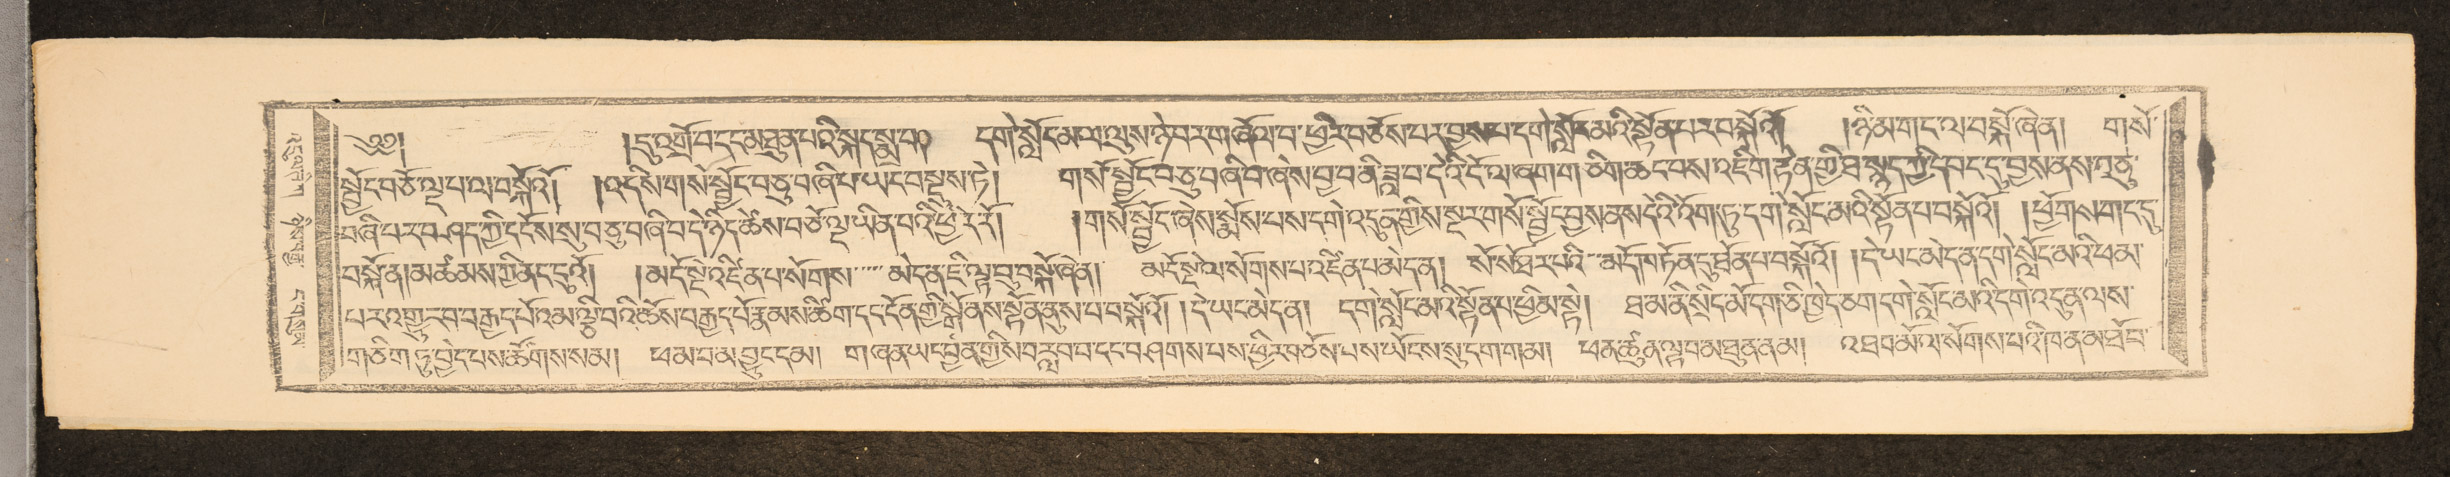༄༅། །དུ་འགྲོ་བ་དང་མཐུན་པའི་སྐད་སྨྲ་བ། དགེ་སློང་མ་ལ་ལུས་ཉེ་བར་གཞོལ་བ་ཕྱིར་བཅོས་པར་བྱས་པ་དགེ་སློང་མའི་སྟོན་པར་བསྐོའོ། །ཉི་མ་གང་ལ་བསྐོ་ཞེ་ན། གསོ་
སྦྱོང་བཅོ་ལྔ་པ་ལ་བསྐོའོ། །འདིས་གསོ་སྦྱོང་བཅུ་བཞི་པ་ཡང་བསྡུས་ཏེ། གསོ་སྦྱོང་བཅུ་བཞི་པ་ཞེས་བྱ་བ་ནི་ཟླ་བ་དེའི་ངོ་ལ་ཞག་གཅིག་ཆད་པས་འཇིག་རྟེན་གྱི་ཐ་སྙད་ཀྱི་དབང་དུ་བྱས་ནས་བཅུ་
བཞི་པས་བཤད་ཀྱི་དངོས་སུ་བཅུ་བཞི་པ་དེ་ཉིད་ཚེས་བཅོ་ལྔ་ཡིན་པའི་ཕྱིར་རོ། །གསོ་སྦྱོད་ཞེས་སྨོས་པས་དགེ་འདུན་གྱིས་སྔར་གསོ་སྦྱོང་བྱས་ནས་དེའི་འོག་ཏུ་དགེ་སློང་མའི་སྟོན་པ་བསྐོའོ། །ཕྱོགས་གང་དུ་
བསྐོ་ན། མཚམས་ཀྱི་ནང་དུའོ། །མདོ་སྡེ་འཛིན་པ་སོགས་མེད་ན་ཇི་ལྟ་བུ་བསྐོ་ཞེ་ན། མདོ་སྡེ་ལ་སོགས་པ་འཛིན་པ་མེད་ན། སོ་སོ་ཐར་པའི་མདོ་ཁ་ཏོན་དུ་ཐོན་བ་བསྐོའོ། །དེ་ཡང་མེད་ན་དགེ་སློང་མའི་ཕམ་
པར་འགྱུར་བ་བརྒྱད་པོ་འམ་ལྕི་བའི་ཆོས་བརྒྱད་པོ་རྣམས་ཚིག་དང་དོན་གྱི་སྒོ་ནས་སྟོན་ནུས་པ་བསྐོའོ། །དེ་ཡང་མེད་ན། དགེ་སློང་མའི་སྟོན་པ་ཕྱི་མ་སྟེ། ཐ་མ་ནི་སྲིང་མོ་དག་ཅི་ཁྱེད་ཅག་དགེ་སློང་མའི་དགེ་འདུན་ལས་
གཅིག་ཏུ་བྱེད་པས་ཚོགས་སམ། ཕམ་པ་མ་བྱུང་ངམ། གཞན་ཡང་བྱིན་གྱིས་བརླབ་པ་དང་བཤགས་པས་ཕྱིར་བཅོས་པས་ཡོངས་སུ་དག་གམ། ཕན་ཚུན་ལྟ་བ་མཐུན་ནམ། འཐབ་མོ་ལ་སོགས་པའི་ཁ་ན་མ་ཐོ་བ་